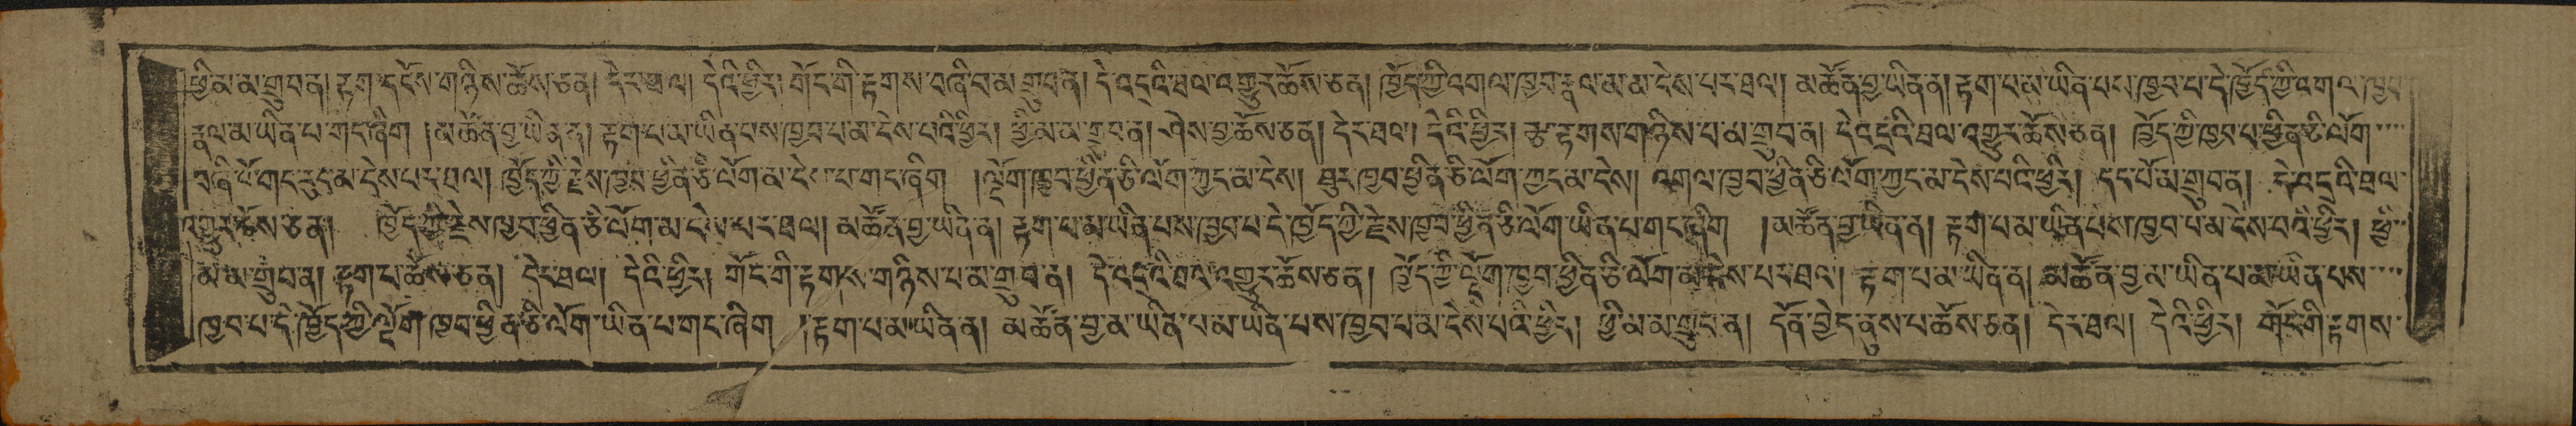ཕྱི་མ་མ་གྲུབ་ན། རྟག་དངོས་གཉིས་ཆོས་ཅན། དེར་ཐལ། དེའི་ཕྱིར། གོང་གི་རྟགས་བཞི་བ་མ་གྲུབ་ན། དེ་འདྲའི་ཐལ་འགྱུར་ཆོས་ཅན། ཁྱོད་ཀྱི་འགལ་ཁྱབ་རྣལ་མ་མ་ངེས་པར་ཐལ། མཚོན་བྱ་ཡིན་ན། རྟག་པ་མ་ཡིན་པས་ཁྱབ་པ་དེ་ཁྱོད་ཀྱི་འགལ་ཁྱབ་
རྣལ་མ་ཡིན་པ་གང་ཞིག །མཚོན་བྱ་ཡིན་ན། རྟག་པ་མ་ཡིན་པས་ཁྱབ་པ་མ་ངེས་པའི་ཕྱིར། ཕྱི་མ་མ་གྲུབ་ན། ཤེས་བྱ་ཆོས་ཅན། དེར་ཐལ། དེའི་ཕྱིར། རྩ་རྟགས་གཉིས་པ་མ་གྲུབ་ན། དེ་འདྲའི་ཐལ་འགྱུར་ཆོས་ཅན། ཁྱོད་ཀྱི་ཁྱབ་པ་ཕྱིན་ཅི་ལོག་
བཞི་པོ་གང་རུང་མ་ངེས་པར་ཐལ། ཁྱོད་ཀྱི་རྗེས་ཁྱབ་ཕྱིན་ཅི་ལོག་མ་ངེས་པ་གང་ཞིག །ལྡོག་ཁྱབ་ཕྱིན་ཅི་ལོག་ཀྱང་མ་ངེས། ཐུར་ཁྱབ་ཕྱིན་ཅི་ལོག་ཀྱང་མ་ངེས། འགལ་ཁྱབ་ཕྱིན་ཅི་ལོག་ཀྱང་མ་ངེས་པའི་ཕྱིར། དང་པོ་མ་གྲུབ་ན། དེ་འདྲའི་ཐལ་
འགྱུར་ཆོས་ཅན། ཁྱོད་ཀྱི་རྗེས་ཁྱབ་ཕྱིན་ཅི་ལོག་མ་ངེས་པར་ཐལ། མཚོན་བྱ་ཡིན་ན། རྟག་པ་མ་ཡིན་པས་ཁྱབ་པ་དེ་ཁྱོད་ཀྱི་རྗེས་ཁྱབ་ཕྱིན་ཅི་ལོག་ཡིན་པ་གང་ཞིག །མཚོན་བྱ་ཡིན་ན། རྟག་པ་མ་ཡིན་པས་ཁྱབ་པ་མ་ངེས་པའི་ཕྱིར། ཕྱི་
མ་མ་གྲུབ་ན། རྟག་པ་ཆོས་ཅན། དེར་ཐལ། དེའི་ཕྱིར། གོང་གི་རྟགས་གཉིས་པ་མ་གྲུབ་ན། དེ་འདྲའི་ཐལ་འགྱུར་ཆོས་ཅན། ཁྱོད་ཀྱི་ལྡོག་ཁྱབ་ཕྱིན་ཅི་ལོག་མ་ངེས་པར་ཐལ། རྟག་པ་མ་ཡིན་ན། མཚོན་བྱ་མ་ཡིན་པ་མ་ཡིན་པས་
ཁྱབ་པ་དེ་ཁྱོད་ཀྱི་ལྡོག་ཁྱབ་ཕྱིན་ཅི་ལོག་ཡིན་པ་གང་ཞིག །རྟག་པ་མ་ཡིན་ན། མཚོན་བྱ་མ་ཡིན་པ་མ་ཡིན་པས་ཁྱབ་པ་མ་ངེས་པའི་ཕྱིར། ཕྱི་མ་མ་གྲུབ་ན། དོན་བྱེད་ནུས་པ་ཆོས་ཅན། དེར་ཐལ། དེའི་ཕྱིར། གོང་གི་རྟགས་